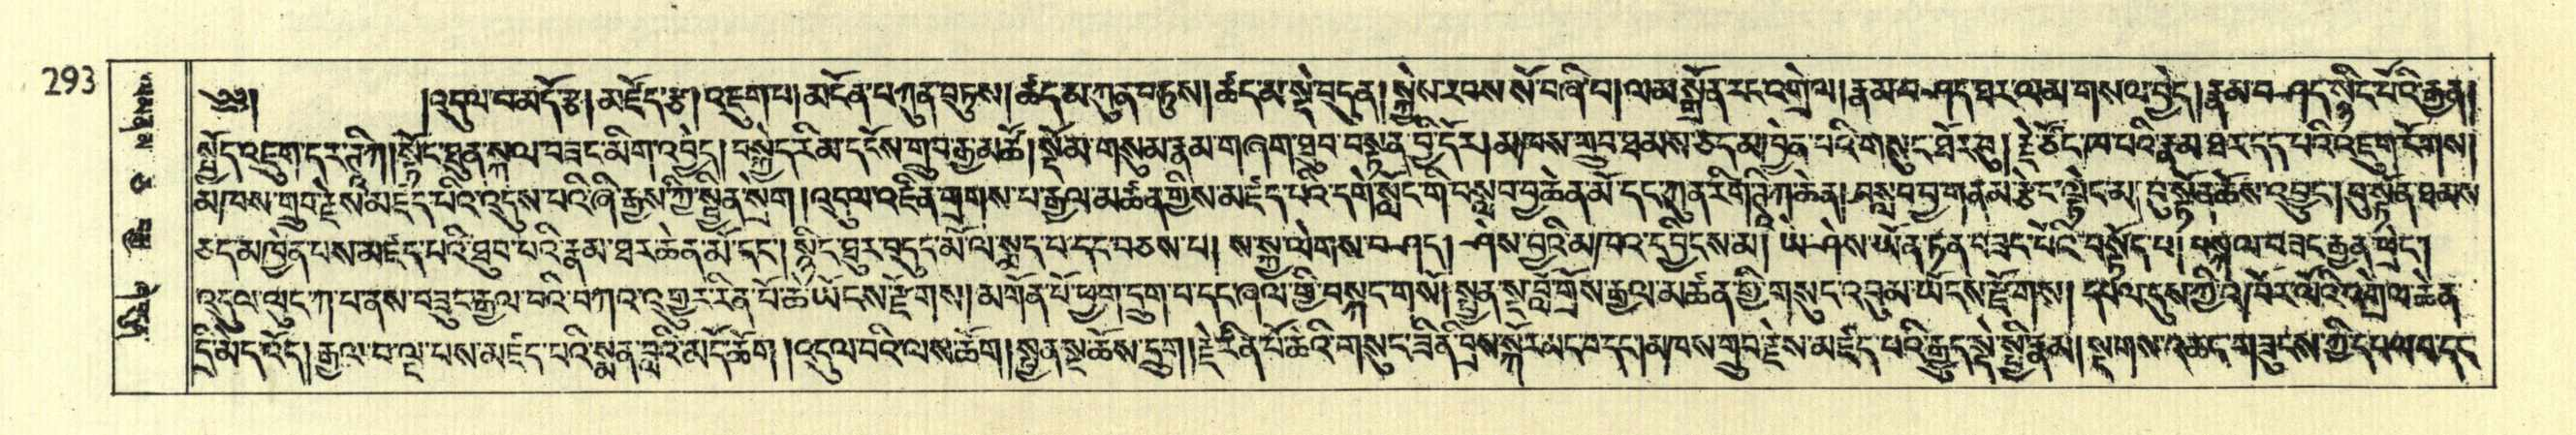༄༅། །འདུལ་བ་མདོ་རྩ། མཛོད་རྩ། འཇུག་པ། མངོན་པ་ཀུན་བཏུས། ཚད་མ་ཀུན་བཏུས། ཚད་མ་སྡེ་བདུན། སྐྱེས་རབས་སོ་བཞི་བ། ལམ་སྒྲོན་རང་འགྲེལ། རྣམ་བཤད་ཐར་ལམ་གསལ་བྱེད། རྣམ་བཤད་སྙིང་པོའི་རྒྱན།
སྤྱོད་འཇུག་དར་ཊཱིཀ། སྟོང་ཐུན་སྐལ་བཟང་མིག་འབྱེད། བསྐྱེད་རིམ་དངོས་གྲུབ་རྒྱ་མཚོ། སྡོམ་གསུམ་རྣམ་གཞག་ཐུབ་བསྟན་བྱི་དོར། མཁས་གྲུབ་ཐམས་ཅད་མཁྱེན་པའི་གསུང་ཐོར་བུ། རྗེ་ཙོང་ཁ་པའི་རྣམ་ཐར་དད་པའི་འཇུག་ངོགས།
མཁས་གྲུབ་རྗེས་མཛད་པའི་འདུས་པའི་ཞི་རྒྱས་ཀྱི་སྦྱིན་སྲེག །འདུལ་འཛིན་གྲགས་པ་རྒྱལ་མཚན་གྱིས་མཛད་པའི་དགེ་སློང་གི་བསླབ་བྱ་ཆེན་མོ་དང་ཀུན་རིག་ཊཱིཀ་ཆེན། བསླབ་བྱ་གནམ་རྩེང་ལྟེང་མ། བུ་སྟོན་ཆོས་འབྱུང་། བུ་སྟོན་ཐམས་
ཅད་མཁྱེན་པས་མཛད་པའི་ཐུབ་པའི་རྣམ་ཐར་ཆེན་མོ་དང་། སྙིང་ཐུར་བདུད་མོ་ལ་སྨད་པ་དང་བཅས་པ། ས་སྐྱ་ལེགས་བཤད། ཤེས་བྱའི་མཁའ་དབྱིངས་མ། ཡེ་ཤེས་ཡོན་ཏན་བཟང་པོའི་བསྟོད་པ། བསྐལ་བཟང་རྒྱན་ཕྲེང་།
འདུལ་ལུང་ཀ་པ་ནས་བཟུང་རྒྱལ་བའི་བཀའ་འགྱུར་རིན་པོ་ཆེ་ཡོངས་རྫོགས། མགོན་པོ་ཕྱག་དྲུག་པ་དང་ཞལ་གྱི་བསྐད་གསོ། སྤྱན་སྔ་བློ་གྲོས་རྒྱལ་མཚན་གྱི་གསུང་འབུམ་ཡོངས་རྫོགས། དཔལ་དུས་ཀྱི་འཁོར་ལོའི་འགྲེལ་ཆེན་
དྲི་མེད་འོད། རྒྱལ་བ་ལྔ་པས་མཛད་པའི་སྨན་བླའི་མདོ་ཆོག །འདུལ་བའི་ལས་ཆོག །སྤྱན་སྔ་ཆོས་དྲུག །རྗེ་རིན་པོ་ཆེའི་གསུང་ཟིན་བྲིས་སྐོར་མང་བ་དང་། མཁས་གྲུབ་རྗེས་མཛད་པའི་རྒྱུད་སྡེ་སྤྱི་རྣམ། སྔགས་འཆང་གཟུངས་ཀྱི་དཔལ་བ་དང་